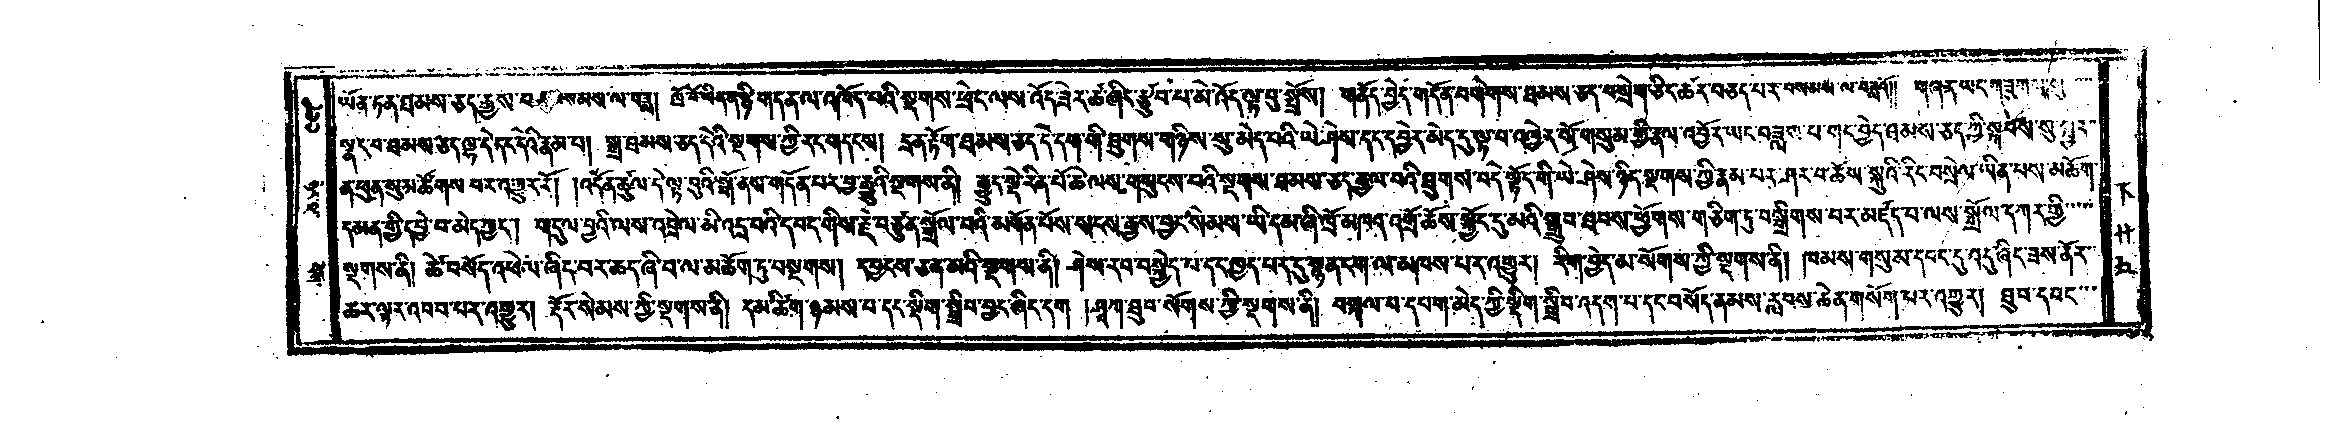ཡོན་ཏན་ཐམས་ཅད་རྒྱས་པར་བསམས་ལ་བཟླ། ཁྲོ་བོ་ཡིན་ན་ཉི་གདན་ལ་འཁོད་པའི་སྔགས་ཕྲེང་ལས་འོད་ཟེར་ཚ་ཞིང་རྩུབ་པ་མེ་འོད་ལྟ་བུ་སྤྲོས། གནོད་བྱེད་གདོན་བགེགས་ཐམས་ཅད་བསྲེག་ཅིང་ཚར་བཅད་པར་བསམས་ལ་བཟླའོ།།  གཞན་ཡང་གཟུགས་སུ་
སྣང་བ་ཐམས་ཅད་ལྷ་དེ་དང་དེའི་རྣམ་པ། སྒྲ་ཐམས་ཅད་དེའི་སྔགས་ཀྱི་རང་གདངས། དྲན་རྟོག་ཐམས་ཅད་དེ་དག་གི་ཐུགས་གཉིས་སུ་མེད་པའི་ཡེ་ཤེས་དང་དབྱེར་མེད་དུ་ལྟ་བ་འཁྱེར་སོ་གསུམ་གྱི་རྣལ་འབྱོར་ཡང་བཟླས་པ་གང་བྱེད་ཐམས་ཅད་ཀྱི་སྐབས་སུ་སྦྱར་
ན་ཕུན་སུམ་ཚོགས་པར་འགྱུར་རོ།  །འདོན་ཚུལ་དེ་ལྟ་བུའི་སྒོ་ནས་གདོན་པར་བྱ་རྒྱུའི་སྔགས་ནི། རྒྱུད་སྡེ་རིན་པོ་ཆེ་ལས་གསུངས་པའི་སྔགས་ཐམས་ཅད་རྒྱལ་བའི་ཐུགས་བདེ་སྟོང་གི་ཡེ་ཤེས་ཉིད་སྔགས་ཀྱི་རྣམ་པར་ཤར་བ་ཆོས་སྐུའི་རིང་བསྲེལ་ཡིན་པས་མཆོག་
དམན་གྱི་དབྱེ་བ་མེད་ཀྱང་། གདུལ་བྱའི་ལས་འབྲེལ་མི་འདྲ་བའི་དབང་གིས་རྗེ་བཙུན་སྒྲོལ་བའི་མགོན་པོས་སངས་རྒྱས་བྱང་སེམས་ཡི་དམ་ཞི་ཁྲོ་མཁའ་འགྲོ་ཆོས་སྐྱོང་དུ་མའི་སྒྲུབ་ཐབས་ཕྱོགས་གཅིག་ཏུ་བསྒྲིགས་པར་མཛད་པ་ལས་སྒྲོལ་དཀར་གྱི་
སྔགས་ནི། ཚེ་བསོད་འཕེལ་ཞིང་བར་ཆད་ཞི་བ་ལ་མཆོག་ཏུ་བསྔགས། དབྱངས་ཅན་མའི་སྔགས་ནི། ཤེས་རབ་བསྐྱེད་པ་དང་ཁྱད་པར་དུ་སྙན་ངག་ལ་མཁས་པར་འགྱུར། རིག་བྱེད་མ་སོགས་ཀྱི་སྔགས་ནི། ཁམས་གསུམ་དབང་དུ་འདུ་ཞིང་ཟས་ནོར་
ཆར་ལྟར་འབབ་པར་འགྱུར། རྡོར་སེམས་ཀྱི་སྔགས་ནི། དམ་ཚིག་ཉམས་པ་དང་སྡིག་སྒྲིབ་བྱང་ཞིང་དག །ཤཱཀྱ?་ཐུབ་སོགས་ཀྱི་སྔགས་ནི། བསྐལ་པ་དཔག་མེད་ཀྱི་སྡིག་སྒྲིབ་འདག་པ་དང་བསོད་ནམས་རླབས་ཆེན་གསོག་པར་འགྱུར། ཐུབ་དབང་